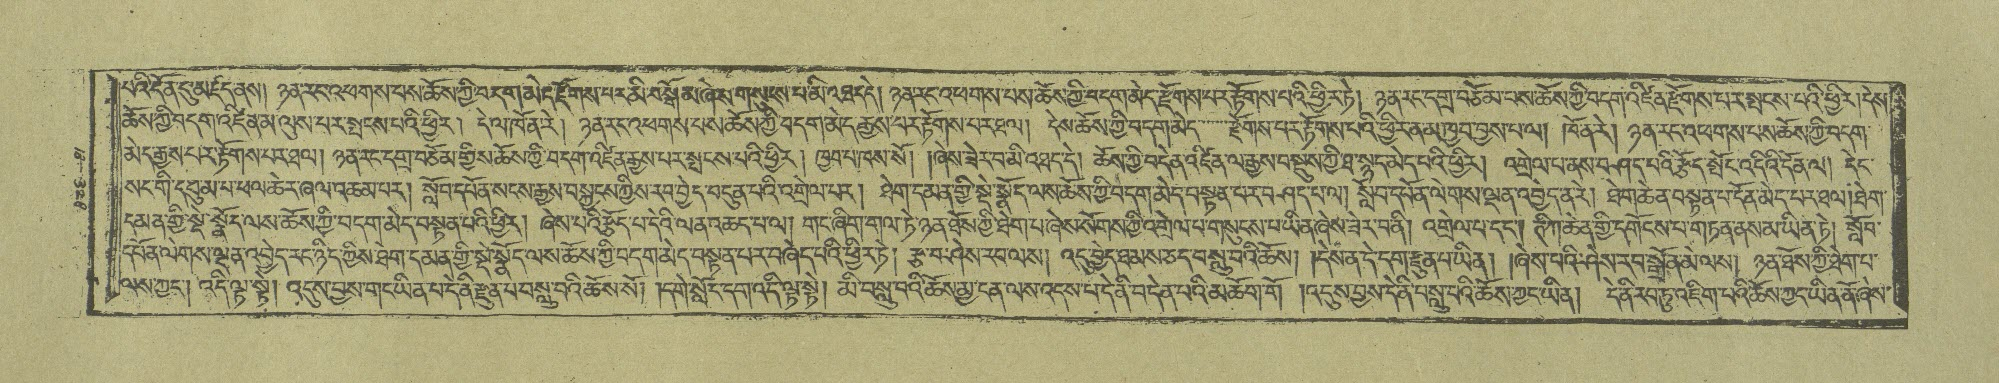པའི་དོན་དུ་མཛད་ནས། ཉན་རང་འཕགས་པས་ཆོས་ཀྱི་བདག་མེད་རྫོགས་པར་མི་བསྒོམ་ཞེས་གསུངས་པ་མི་འཐད་དེ། ཉན་རང་འཕགས་པས་ཆོས་ཀྱི་བདག་མེད་རྫོགས་པར་རྟོགས་པའི་ཕྱིར་ཏེ། ཉན་རང་དགྲ་བཅོམ་པས་ཆོས་ཀྱི་བདག་འཛིན་རྫོགས་པར་སྤངས་པའི་ཕྱིར། དེས་
ཆོས་ཀྱི་བདག་འཛིན་མ་ལུས་པར་སྤངས་པའི་ཕྱིར། དེ་ལ་ཁོ་ན་རེ། ཉན་རང་འཕགས་པས་ཆོས་ཀྱི་བདག་མེད་རྒྱས་པར་རྟོགས་པར་ཐལ། དེས་ཆོས་ཀྱི་བདག་མེད་རྫོགས་པར་རྟོགས་པའི་ཕྱིར་ན་མ་ཁྱབ་བྱས་པ་ལ། ཁོ་ན་རེ། ཉན་རང་འཕགས་པས་ཆོས་ཀྱི་བདག་
མེད་རྒྱས་པར་རྟོགས་པར་ཐལ། ཉན་རང་དགྲ་བཅོམ་གྱིས་ཆོས་ཀྱི་བདག་འཛིན་རྒྱས་པར་སྤངས་པའི་ཕྱིར། ཁྱབ་པ་ཁས་སོ། །ཞེས་ཟེར་བ་མི་འཐད་དེ། ཆོས་ཀྱི་བདེན་འཛིན་ལ་རྒྱས་བསྡུས་ཀྱི་ཐ་སྙད་མེད་པའི་ཕྱིར། འགྲེལ་པ་ནས་བཤད་པའི་རྩོད་སྤོང་འདིའི་དོན་ལ། དེང་
སང་གི་དབུ་མ་པ་ཕལ་ཆེར་ཞལ་འཆམ་པར། སློབ་དཔོན་སངས་རྒྱས་བསྐྱངས་ཀྱིས་རབ་བྱེད་བདུན་པའི་འགྲེལ་པར། ཐེག་དམན་གྱི་སྡེ་སྣོད་ལས་ཆོས་ཀྱི་བདག་མེད་བསྟན་པར་བཤད་པ་ལ། སློབ་དཔོན་ལེགས་ལྡན་འབྱེད་ན་རེ། ཐེག་ཆེན་བསྟན་པ་དོན་མེད་པར་ཐལ། ཐེག་
དམན་གྱི་སྡེ་སྣོད་ལས་ཆོས་ཀྱི་བདག་མེད་བསྟན་པའི་ཕྱིར། ཞེས་པའི་རྩོད་པ་དེའི་ལན་འཆད་པ་ལ། གང་ཞིག་གལ་ཏེ་ཉན་ཐོས་ཀྱི་ཐེག་པ་ཞེས་སོགས་ཀྱི་འགྲེལ་པ་གསུངས་པ་ཡིན་ཞེས་ཟེར་བ་ནི། འགྲེལ་པ་དང་། ཊིཀ་ཆེན་གྱི་དགོངས་པ་གཏན་ནས་མ་ཡིན་ཏེ། སློབ་
དཔོན་ལེགས་ལྡན་འབྱེད་རང་ཉིད་ཀྱིས་ཐེག་དམན་གྱི་སྡེ་སྣོད་ལས་ཆོས་ཀྱི་བདག་མེད་བསྟན་པར་བཞེད་པའི་ཕྱིར་ཏེ། རྩ་བ་ཤེས་རབ་ལས། འདུ་བྱེད་ཐམས་ཅད་བསླུ་བའི་ཆོས། །དེས་ན་དེ་དག་རྫུན་པ་ཡིན། །ཞེས་པའི་ཤེས་རབ་སྒྲོན་མེ་ལས། ཉན་ཐོས་ཀྱི་ཐེག་པ་
ལས་ཀྱང་། འདི་ལྟ་སྟེ། འདུས་བྱས་གང་ཡིན་པ་དེ་ནི་རྫུན་པ་བསླུ་བའི་ཆོས་སོ། །དགེ་སློང་དག་འདི་ལྟ་སྟེ། མི་བསླུ་བའི་ཆོས་མྱ་ངན་ལས་འདས་པ་དེ་ནི་བདེན་པའི་མཆོག་གོ །འདུས་བྱས་དེ་ནི་བསླུ་བའི་ཆོས་ཀྱང་ཡིན། དེ་ནི་རབ་ཏུ་འཇིག་པའི་ཆོས་ཀྱང་ཡིན་ནོ་ཞེས་